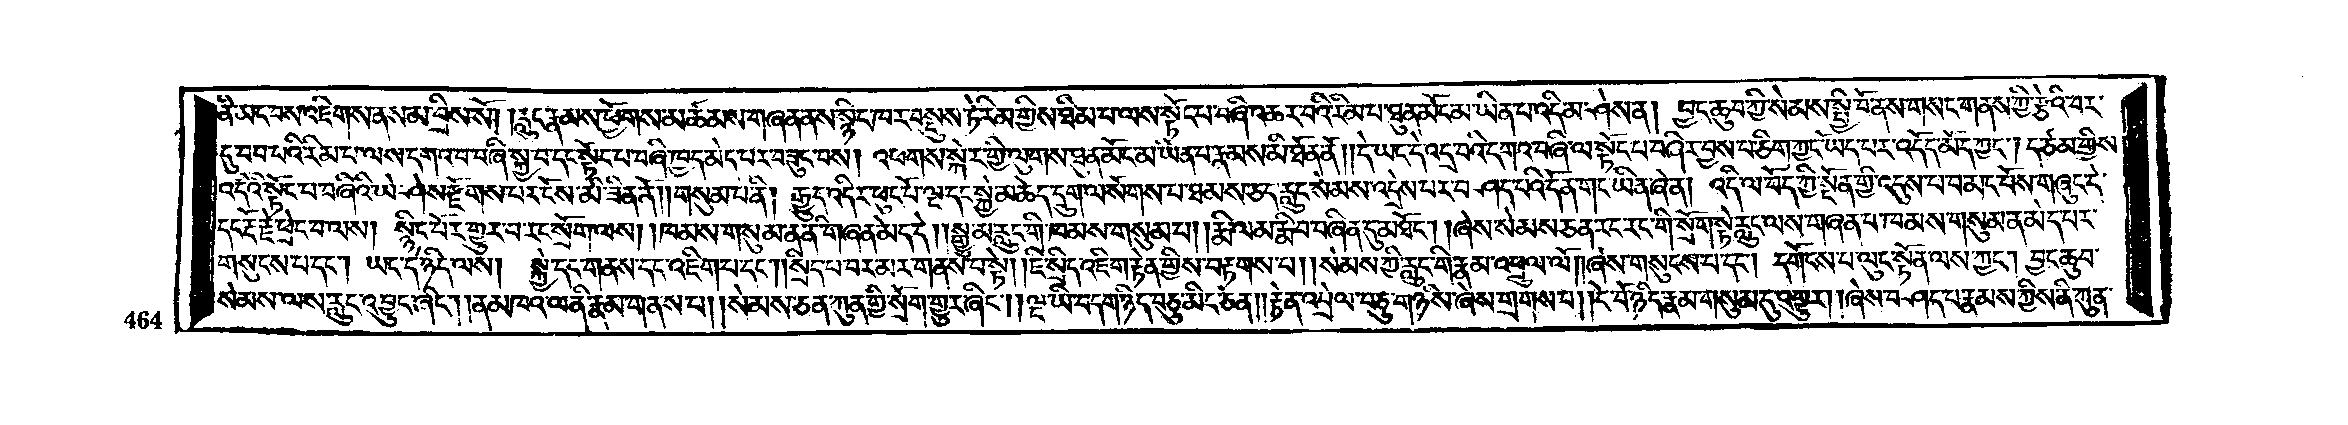ནི་མང་བས་འཇིགས་ནས་མ་བྲིས་སོ། །རླུང་རྣམས་ཕྱོགས་མཚམས་གཞན་ནས་སྙིང་ཁར་བསྡུས་ཏེ་རིམ་གྱིས་ཐིམ་པ་ལས་སྟོང་པ་བཞི་འཆར་བའི་རིམ་པ་ཐུན་མོང་མ་ཡིན་པ་འདི་མ་ཤེས་ན། བྱང་ཆུབ་ཀྱི་སེམས་སྤྱི་བོ་ནས་གསང་གནས་ཀྱི་རྩེའི་བར་
དུ་བབ་པའི་རིམ་པ་ལས་དགའ་བ་བཞི་སྐྱེ་བ་དང་སྟོང་པ་བཞི་ཁྱད་མེད་པར་བཟུང་བས། འཕགས་སྐོར་གྱི་ལུགས་ཐུན་མོང་མ་ཡིན་པ་རྣམས་མི་ཐོན་ནོ། །དེ་ཡང་དེ་འདྲ་བའི་དགའ་བཞི་ལ་སྟོང་པ་བཞིར་བྱས་པ་ཅིག་ཀྱང་ཡོད་པར་འདོད་མོད་ཀྱང་། དེ་ཙམ་གྱིས་
འདིའི་སྟོང་པ་བཞིའི་ཡེ་ཤེས་རྫོགས་པར་ངོས་མི་ཟིན་ནོ། །གསུམ་པ་ནི། རྒྱུད་འདིར་ཕུང་པོ་ལྔ་དང་སྐྱེ་མཆེད་དྲུག་ལ་སོགས་པ་ཐམས་ཅད་རླུང་སེམས་འདྲེས་པར་བཤད་པའི་དོན་གང་ཡིན་ཞེ་ན། འདི་ལ་བོད་ཀྱི་སྔོན་གྱི་འདུས་པ་བ་མང་པོས་གཞུང་དེ་
དང་རྡོ་རྗེ་ཕྲེང་བ་ལས། སྙིང་པོར་གྱུར་པ་རང་སྲོག་ལས། །ཁམས་གསུམ་ན་ནི་གཞན་མེད་དེ། །སྒྱུ་མ་རླུང་གི་ཁམས་གསུམ་པ། །རྨི་ལམ་རྨི་བ་བཞིན་དུ་མཐོང་། །ཞེས་སེམས་ཅན་རང་རང་གི་སྲོག་སྟེ་རླུང་ལས་གཞན་པ་ཁམས་གསུམ་ན་མེད་པར་
གསུངས་པ་དང་། ཡང་དེ་ཉིད་ལས། སྐྱེ་དང་གནས་དང་འཇིག་པ་དང་། །སྲིད་པ་བར་མར་གནས་པ་སྟེ། །ཇི་སྲིད་འཇིག་རྟེན་གྱིས་བརྟགས་པ། །སེམས་ཀྱི་རླུང་གི་རྣམ་འཕྲུལ་ལོ། །ཞེས་གསུངས་པ་དང་། དགོངས་པ་ལུང་སྟོན་ལས་ཀྱང་། བྱང་ཆུབ་
སེམས་ལས་རླུང་འབྱུང་ཞིང་། །ནམ་མཁའ་ལ་ནི་རྣམ་གནས་པ། །སེམས་ཅན་ཀུན་གྱི་སྲོག་གྱུར་ཞིང་། །ལྔ་ཡི་བདག་ཉིད་བཅུ་མིང་ཅན། །རྟེན་འབྲེལ་བཅུ་གཉིས་ཞེས་གྲགས་པ། །ངོ་བོ་ཉིད་རྣམ་གསུམ་དུ་འགྱུར། །ཞེས་བཤད་པ་རྣམས་ཀྱིས་ནི་ཀུན་